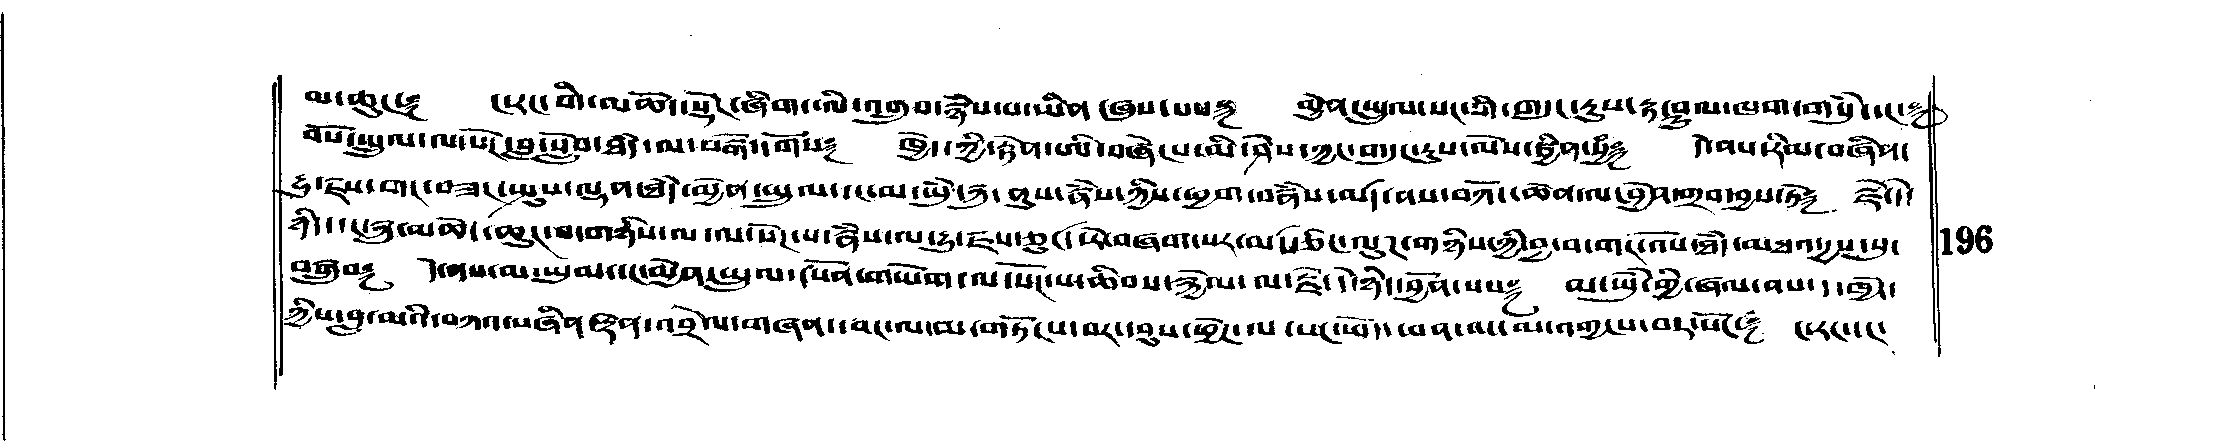མ་ཆུང་། ང་རང་གི་མཆོད་སྡོང་ཞིག་ཨི་འགྲུབ་སྙམ་པ་ཡིན་ཞུས་པས། མཁྱེན་སྤྲུལ་སང་གི་གདུང་རུས་རྟ་ཤུལ་ཁག་གསུམ་དང་། 
བསོ་སྤྲུལ་ལ་སོགས་བུ་སློབ་ཐམས་ཅད་ལ་བགོ་དགོས། ཁྱེད་ཀྱི་རྟེན་ཨི་བཞེངས་མི་ཤེས་ཀྱང་གདུང་རུས་ལོས་སྦྱིན་གསུངས།དེ་ནས་རིམ་བཞིན་
རྒྱུ་རྫས་གང་བཟང་སྤུས་ལྡན་ཐམས་ཅད་མཁྱེན་སྤྲུལ་དང་མ་ཡུམ་སྐུ་ནུས་རྣམས་ཀྱིས་ཕྱག་བསྣམས་མཛད་ནས་བཀོད་ཆེན་ལ་བྱོན་གྲབས་བྱས་ཏེ། རྗཻ་དེ་
ཉིད་དང་སྐུ་མཆེད་ཆུང་བ་གཉིས་ལ་སོགས་པ་རྣམས་ལ་རྒྱུ་རྫས་ཅུང་ཟད་རེ་བཞག་པར་མཛད་ཅིང་ལུགས་གཉིས་ཀྱི་བྱ་བ་གང་འོས་ཐམས་ཅད་མཐའ་རྒྱས་སུ་
བསྒྲུབ། དེ་ནས་མ་ཡུམ་དང་མཁྱེན་སྤྲུལ་དཔོན་གཡོག་ལ་སོགས་པ་ཆིབས་སྐྱེལ་ལ་རྗེ་དེ་ཉིད་བྱོན་པས། མ་ཡུམ་གྱི་ཞལ་ནས་ད་ཁྱོད་
ཀྱིས་བླ་མའི་བཀའ་བཞིན་རྟེན་འབྲེལ་གཞན་དབང་ལ་མ་གཏོངས་བར་དབུས་ཕྱོགས་ལ་སང་ཕོད་ཕན་ལ་མ་འགྱངས་བར་སོང་། ང་རང་དང་